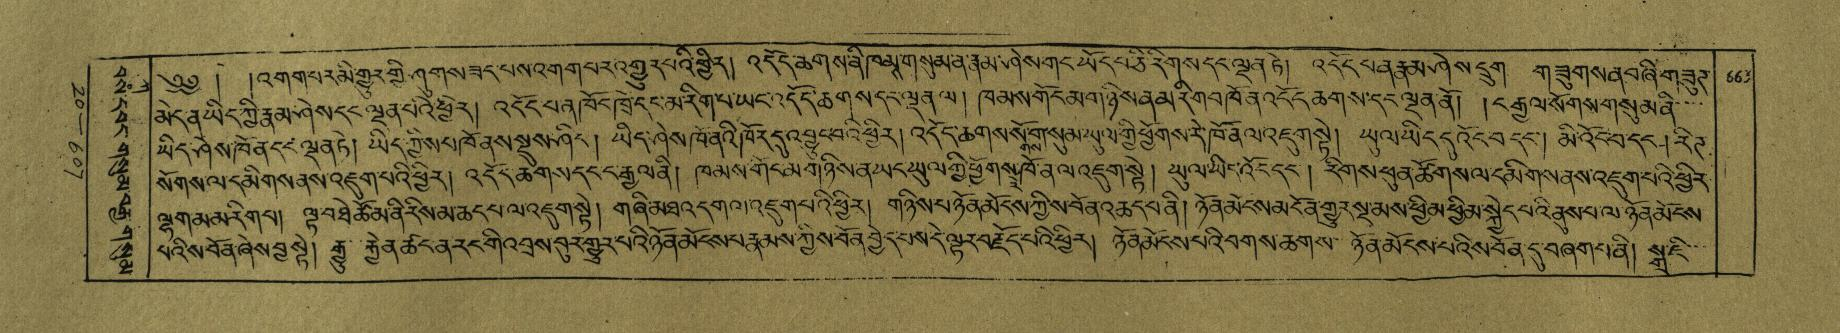༄༅། །འགག་པར་མི་གྱུར་གྱི་ཤུགས་ཟད་པས་འགག་པར་འགྱུར་པའི་ཕྱིར། འདོད་ཆགས་ནི་ཁམས་གསུམ་ན་རྣམ་ཤེས་གང་ཡོད་པ་ཅི་རིགས་དང་ལྡན་ཏེ། འདོད་པ་ན་རྣམ་ཤེས་དྲུག་གཟུགས་ན་བཞི་གཟུཌ་
མེད་ན་ཡིད་ཀྱི་རྣམ་ཤེས་དང་ལྡན་པའི་ཕྱིར། འདོད་པ་ན་ཁོང་ཁྲོ་དང་མ་རིག་པ་ཡང་འདོད་ཆགས་དང་ལྡན་ལ། ཁམས་གོང་མ་གཉིས་ན་མ་རིག་བ་ཁོ་ན་འདོད་ཆགས་དང་ལྡན་ནོ། །ང་རྒྱལ་སོགས་གསུམ་ནི་
ཡིད་ཤེས་ཁོ་ན་དང་ལྡན་ཏེ། ཡིད་ཀྱི་ས་པ་ཁོ་ནས་སྡུས་ཤིང་། ཡིད་ཤེས་ཁོ་ནའི་ཁོར་དུ་འབྱུང་བའི་ཕྱིར། འདོད་ཆགས་སོགས་གསུམ་ཡུལ་གྱི་ཕྱོགས་རེ་ཁོ་ན་ལ་འཇུག་སྟེ། ཡུལ་ཡིད་དུ་འོང་བ་དང་། མི་འོང་བ་དང་། རིཌ་
སོགས་ལ་དམིགས་ནས་འཇུག་པའི་ཕྱིར། འདོད་ཆགས་དང་ང་རྒྱལ་ནི། ཁམས་གོང་མ་གཉིས་ན་ཡང་ཡུལ་གྱི་ཕྱོགས་རེ་ཁོ་ན་ལ་འཇུག་སྟེ། ཡུལ་ཡིད་འོང་དང་། རིགས་ཕུན་ཚོགས་ལ་དམིགས་ནས་འཇུག་པའི་ཕྱིར་
ལྷག་མ་མ་རིག་པ། ལྟ་བ་ཐེ་ཚོམ་ནི་རིས་མ་ཆད་པ་ལ་འཇུག་སྟེ། གཞི་མཐའ་དག་ལ་འཇུག་པའི་ཕྱིར། གཉིས་པ་ཉོན་མོངས་ཀྱི་ས་བོན་འཆད་པ་ནི། ཉོན་མོངས་མངོན་གྱུར་སྔ་མས་ཕྱི་མ་ཕྱི་མ་སྐྱེད་པའི་ནུས་པ་ལ་ཉོན་མོངས་
པའི་ས་བོན་ཞེས་བྱ་སྟེ། རྒྱུ་རྐྱེན་ཚང་ན་རང་གི་འབྲས་བུར་གྱུར་པའི་ཉོན་མོངས་པ་རྣམས་ཀྱི་ས་བོན་བྱེད་པས་དེ་ལྟར་བརྗོད་པའི་ཕྱིར། ཉོན་མོངས་པའི་བགས་ཆགས་ཉོན་མོངས་པའི་ས་བོན་དུ་བཞག་པ་ནི། སྒྲ་ཇི་